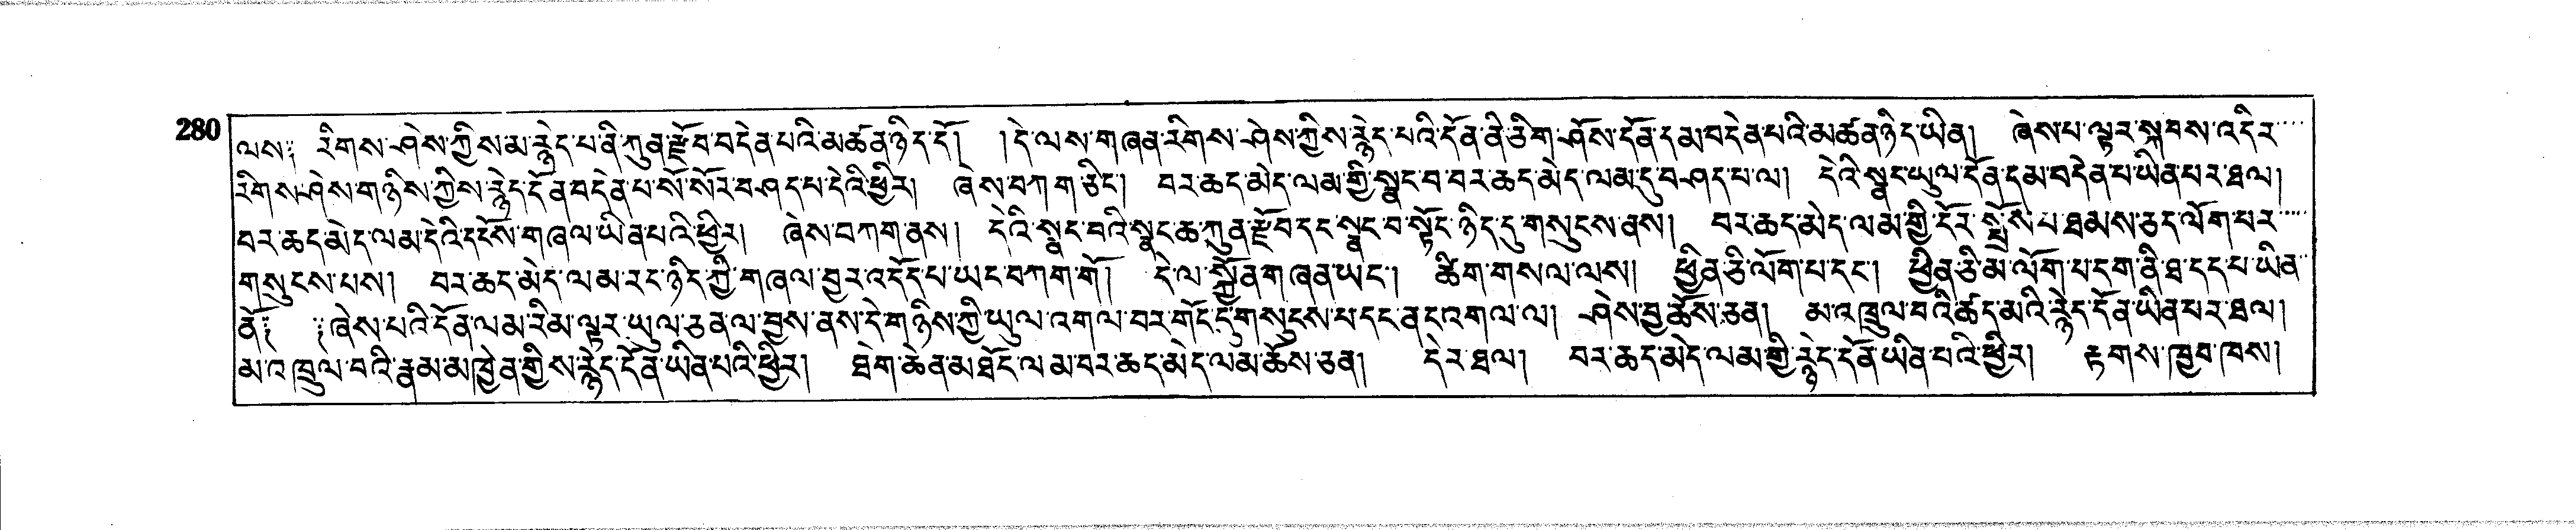ལས༑ རིགས་ཤེས་ཀྱིས་མ་རྙེད་པ་ནི་ཀུན་རྫོབ་བདེན་པའི་མཚན་ཉིད་དོ། །དེ་ལས་གཞན་རིགས་ཤེས་ཀྱིས་རྙེད་པའི་དོན་ནི་ཅིག་ཤོས་དོན་དམ་བདེན་པའི་མཚན་ཉིད་ཡིན། ཞེས་པ་ལྟར་སྐབས་འདིར་
རིགས་ཤེས་གཉིས་ཀྱིས་རྙེད་དོན་བདེན་པ་སོ་སོར་བཤད་པ་དེའི་ཕྱིར། ཞེས་བཀག་ཅིང་། བར་ཆད་མེད་ལམ་གྱི་སྣང་བ་བར་ཆད་མེད་ལམ་དུ་བཤད་པ་ལ། དེའི་སྣང་ཡུལ་དོན་དམ་བདེན་པ་ཡིན་པར་ཐལ།
བར་ཆད་མེད་ལམ་དེའི་དངོས་གཞལ་ཡིན་པའི་ཕྱིར། ཞེས་བཀག་ནས། དེའི་སྣང་བའི་སྣང་ཆ་ཀུན་རྫོབ་དང་སྣང་བ་སྟོང་ཉིད་དུ་གསུངས་ནས། བར་ཆད་མེད་ལམ་གྱི་ངོར་སྤྲོས་པ་ཐམས་ཅད་ལོག་པར་
གསུངས་པས། བར་ཆད་མེད་ལམ་རང་ཉིད་ཀྱི་གཞལ་བྱར་འདོད་པ་ལ་ཡང་བཀག་གོ །དེ་ལ་སྐྱོན་གཞན་ཡང་། ཚིག་གསལ་ལས། ཕྱིན་ཅི་ལོག་པ་དང་། ཕྱིན་ཅི་མ་ལོག་པ་དག་ནི་ཐ་དད་པ་ཡིན་
ནོ༑ ༑ཞེས་པའི་དོན་ལམ་རིམ་ལྟར་ཡུལ་ཅན་ལ་བྱས་ནས་དེ་གཉིས་ཀྱི་ཡུལ་འགལ་བར་གོང་དུ་གསུངས་པ་དང་ནང་འགལ་ལ། ཤེས་བྱ་ཆོས་ཅན། མ་འཁྲུལ་བའི་ཚད་མའི་རྙེད་དོན་ཡིན་པར་ཐལ།
མ་འཁྲུལ་བའི་རྣམ་མཁྱེན་གྱིས་རྙེད་དོན་ཡིན་པའི་ཕྱིར། ཐེག་ཆེན་མཐོང་ལམ་བར་ཆད་མེད་ལམ་ཆོས་ཅན། དེར་ཐལ། བར་ཆད་མེད་ལམ་གྱི་རྙེད་དོན་ཡིན་པའི་ཕྱིར། རྟགས་ཁྱབ་ཁས།